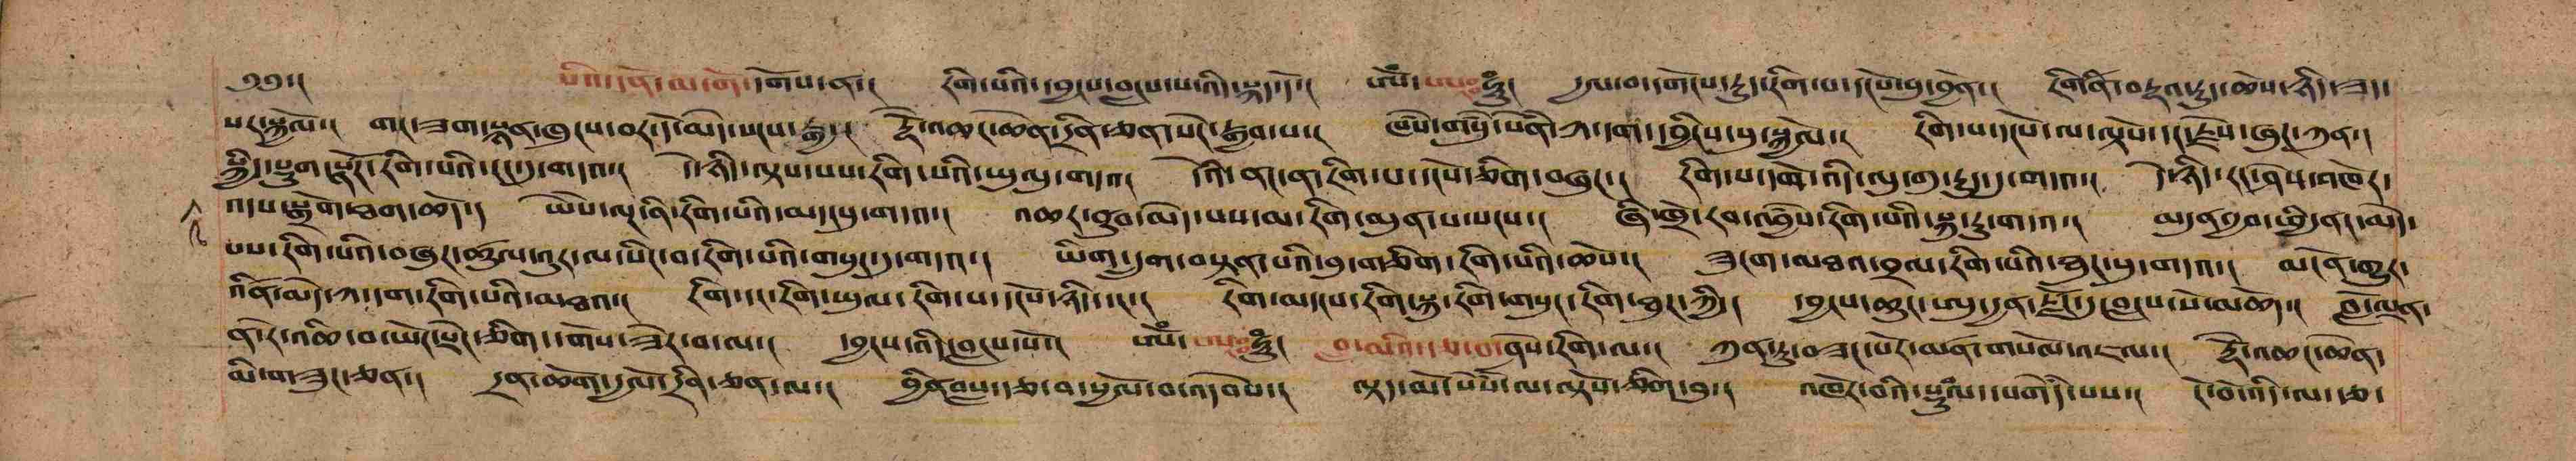༄༅་། པའི་དོན་ལ་གོ་དགོས་ན། རིག་པའི་དབྱངས་བླངས་པ་འདི་སྐད་དོ། ཨོཾ་ཨཿཧཱུཾ། རྒྱལ་བ་དགོངས་རྒྱུད་རིག་པ་དངོས་སུ་བྱོན། རིག་འཛིན་བརྡའ་དྱུད་ཆོས་ཉིད་ཟད་
སར་སྐྱོལ། གང་ཟག་སྙན་ཁུངས་བར་དོ་མེད་སངས་རྒྱ། རྡོ་རྗེ་འཆང་ཆེན་དྲིན་ཅན་སེང་རྒྱབ་པ། ཁམས་གསུམ་སེམས་ཅན་ཀ་དག་དབྱིངས་སུ་སྐྱེལ། རིག་པ་དངོས་ལ་ལྟོས་དང་རྗེས་ཞུགས་ཀུན། 
སྐྱིད་སྡུག་སྣ་ཚོགས་རིག་པའི་ངང་དུ་གདའ། དེ་ཉིད་ལྟས་པས་རིག་པའི་ཡུལ་དུ་གདའ། དེའི་ནང་ན་རིག་པ་དངོས་ཅིག་བཞུགས། རིག་པ་དགེ་འདི་ལུ་གུ་དྱུད་དུ་གདའ། དེ་ཉིད་རང་ཤེས་འཁོར་
འདས་སྒྲོག་ཐག་ཆོད། ཡེ་ཤེས་ལྔ་ནི་རིག་པའི་མདངས་སུ་གདའ། མཆར་ནུབ་མེད་པས་མ་རིག་མུན་པ་སངས། ཞི་ཁྲོ་རབ་འབྱམས་རིག་པའི་སྐུ་རུ་གདའ། མདུན་རྒྱབ་ཕྱི་ནང་མེད་
པས་རིག་པའི་བཞུགས་ཚུལ་འུར་ལ་སིང་བ་རིག་པའི་གསུང་དུ་གདའ། ཡིག་དྲུག་བསྟན་པའི་བུ་གཅིག་རིག་པའི་ཆེས། ཟུང་ཁྲག་མཐའ་བྲལ་རིག་པའི་ཐུགས་སུ་གདའ། མངོན་གྱུར་
འཛིན་མེད་ཀ་དག་རིག་པའི་མཐའ། རིག་དང་རིག་ཡུལ་རིག་པ་དངོས་ཉིད་དང་། རིག་མདངས་རིག་སྐུ་རིག་གསུང་རིག་ཐུགས་ཀྱི། དབྱངས་ཆུང་ཨུ་རྒྱན་རྫོང་དུ་བླངས་སོ་མཆོད། བློ་ལྡན་
ན་རོ་འཆི་བ་ཡོར་སྡེང་ཅིག་དགོས་ཟེར་བ་ལ། དབྱངས་འདི་བླངས་སོ། ཨོཾ་ཨཿཧཱུཾ། བླ་མའི་རྩ་བ་ཤེས་རིག་ལ། ཀུན་ཏུ་བཟང་པོར་མཚན་གསོལ་འཇལ། རྡོ་རྗེ་འཆང་ཆེན་
མི་གཟུང་ཅན། དྲན་ཆོག་རྒྱལ་པོ་དྲིན་ཅན་ལ། བྱིན་རླབས་རྩ་བ་གསོལ་བ་འདེབས། ལྟད་མོ་སེམས་ལ་ལྟོས་ཅིག་བུ། འཁོར་བའི་སྡུག་བསྔལ་དཔག་མེད་པས། ངོ་བོ་འདི་ལ་རྩ་